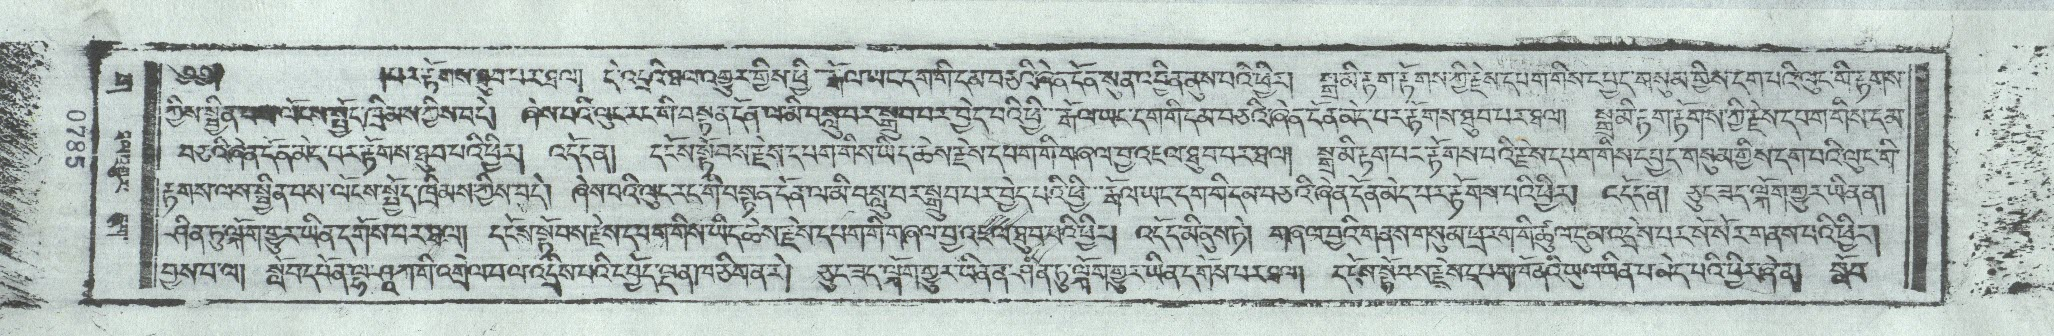༄༅། །པར་རྟོགས་ཐུབ་པར་ཐལ། དེ་འདྲའི་ཐལ་འགྱུར་གྱིས་ཕྱི་རྒོལ་ཡང་དག་གི་དམ་བཅའི་ཞེན་དོན་སུན་འབྱིན་ནུས་པའི་ཕྱིར། སྒྲ་མི་རྟག་རྟོགས་ཀྱི་རྗེས་དཔག་གིས་དཔྱད་གསུམ་གྱིས་དག་པའི་ལུང་གི་རྟགས་
ཀྱིས་སྦྱིན་པས་ལོངས་སྤྱོད་ཁྲིམས་ཀྱིས་བདེ། ཞེས་པའི་ལུང་རང་གི་བསྟན་དོན་ལ་མི་བསླུ་བར་སྒྲུབ་པར་བྱེད་པའི་ཕྱི་རྒོལ་ཡང་དག་གི་དམ་བཅའི་ཞེན་དོན་མེད་པར་རྟོགས་ཐུབ་པར་ཐལ། སྒྲ་མི་རྟག་རྟོགས་ཀྱི་རྗེས་དཔག་གིས་དམ་
བཅའི་ཞེན་དོན་མེད་པར་རྟོགས་ཐུབ་པའི་ཕྱིར། འདོད་ན། དངོས་སྟོབས་རྗེས་དཔག་གིས་ཡིད་ཆེས་རྗེས་དཔག་གི་གཞལ་བྱ་འཇལ་ཐུབ་པར་ཐལ། སྒྲ་མི་རྟག་པར་རྟོགས་པའི་རྗེས་དཔག་གིས་དཔྱད་གསུམ་གྱིས་དག་པའི་ལུང་གི་
རྟགས་ལས་སྦྱིན་པས་ལོངས་སྤྱོད་ཁྲིམས་ཀྱིས་བདེ། ཞེས་པའི་ལུང་རང་གི་བསྟན་དོན་ལ་མི་བསླུ་བར་སྒྲུབ་པར་བྱེད་པའི་ཕྱི་རྒོལ་ཡང་དག་གི་དམ་བཅའི་ཞེན་དོན་མེད་པར་རྟོགས་པའི་ཕྱིར། འདོད་ན། ཅུང་ཟད་ལྐོག་གྱུར་ཡིན་ན།
ཤིན་ཏུ་ལྐོག་གྱུར་ཡིན་དགོས་པར་ཐལ། དངོས་སྟོབས་རྗེས་དཔག་གིས་ཡིད་ཆེས་རྗེས་དཔག་གི་གཞལ་བྱ་འཇལ་ཐུབ་པའི་ཕྱིར། འདོད་མི་ནུས་ཏེ། གཞལ་བྱའི་གནས་གསུམ་ཕྲ་རག་གི་ཚུལ་དུ་མ་འདྲེས་པར་སོ་སོར་གནས་པའི་ཕྱིར།
བྱས་པ་ལ། སློབ་དཔོན་ལྷ་ཤཱཀ་གི་འགྲེལ་པ་ལ་འདྲིས་པའི་དཔྱོད་ལྡན་ཁ་ཅིག་ན་རེ། ཅུང་ཟད་ལྐོག་གྱུར་ཡིན་ན་ཤིན་ཏུ་ལྐོག་གྱུར་ཡིན་དགོས་པར་ཐལ། དངོས་སྟོབས་རྗེས་དཔག་ཁོ་ནའི་ཡུལ་ཡིན་པ་མེད་པའི་ཕྱིར་ཞེ་ན། སློབ་